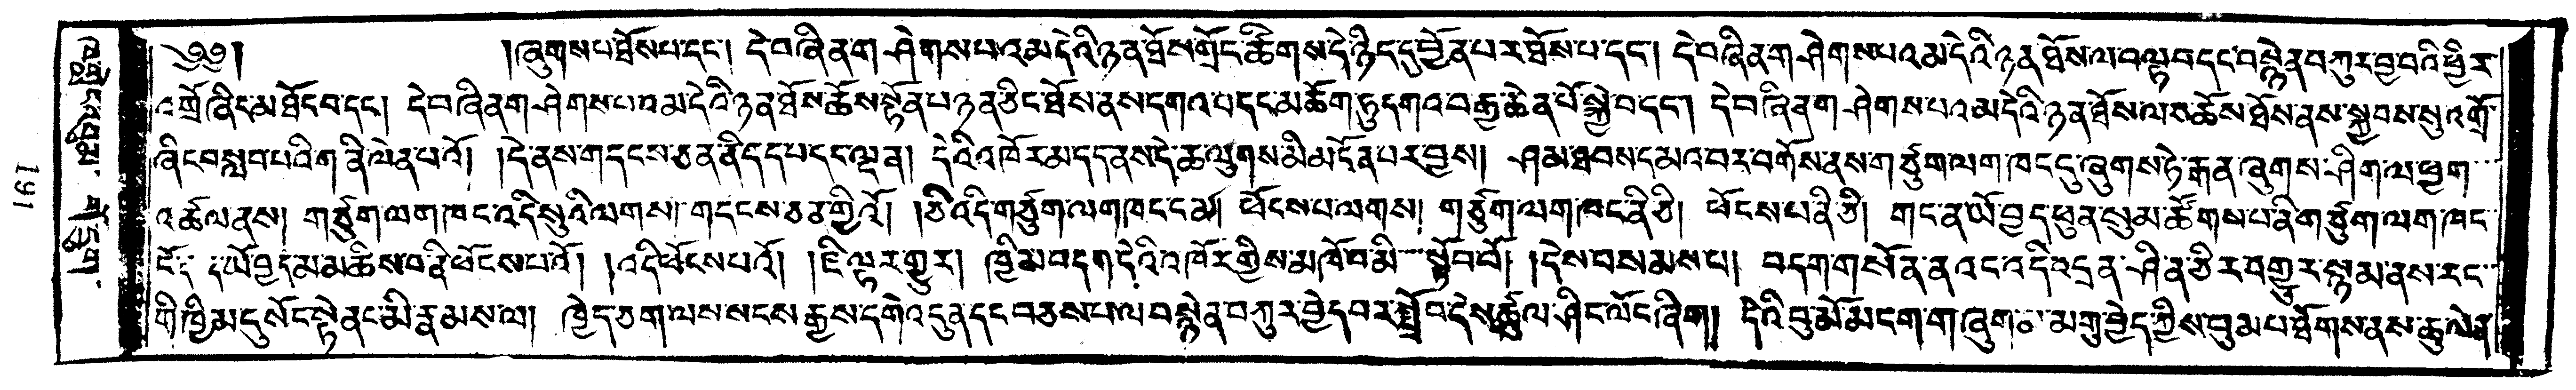༄༅། །ཞུགས་པ་ཐོས་པ་དང་། དེ་བཞིན་གཤེགས་པའམ་དེའི་ཉན་ཐོས་གྲོང་ཚིགས་དེ་ཉིད་དུ་བྱོན་པར་ཐོས་པ་དང་། དེ་བཞིན་གཤེགས་པའམ་དེའི་ཉན་ཐོས་ལ་བལྟ་བ་དང་བསྙེན་བཀུར་བྱ་བའི་ཕྱིར་
འགྲོ་ཞིང་མཐོང་བ་དང་། དེ་བཞིན་གཤེགས་པའམ་དེའི་ཉན་ཐོས་ཆོས་སྟོན་པ་ཉན་ཅིང་ཐོས་ནས་དགའ་བ་དང་མཆོག་ཏུ་དགའ་བ་རྒྱ་ཆེན་པོ་སྐྱེ་བ་དང་། དེ་བཞིན་གཤེགས་པའམ་དེའི་ཉན་ཐོས་ལས་ཆོས་ཐོས་ནས་སྐྱབས་སུ་འགྲོ་
ཞིང་བསླབ་པའི་ག་ནི་ལེན་པའོ། །དེ་ནས་གདངས་ཅན་ནི་དད་པ་དང་ལྡན། དེའི་འཁོར་མ་དད་ནས་དེ་ཆ་ལུགས་མི་མངོན་པར་བྱས། ཤམ་ཐབས་དམའ་བར་བགོས་ནས་གཙུག་ལག་ཁང་དུ་ཞུགས་ཏེ་རྒན་ཞུགས་ཤིག་ལ་ཕྱག་
འཚལ་ནས། གཙུག་ལག་ཁང་འདི་སུའི་ལགས། གདངས་ཅན་གྱིའོ། །ཅི་འདི་གཙུག་ལག་ཁང་ངམ། ཕོངས་པ་ལགས། གཙུག་ལག་ཁང་ནི་ཅི། ཕོངས་པ་ནི་ཅི། གང་ན་ཡོ་བྱད་ཕུན་སུམ་ཚོགས་པ་ནི་གཙུག་ལག་ཁང་
ངོ༑ ༑ཡོ་བྱད་མ་མཆིས་པ་ནི་ཕོངས་པའོ། །འདི་ཕོངས་པའོ། །ཇི་ལྟར་གྱུར། ཁྱིམ་བདག་དེའི་འཁོར་གྱིས་མཁོ་བ་མི་སྟོབ་བོ། །དེས་བསམས་པ། བདག་གསོན་ནའང་འདི་འདྲན་ཤི་ན་ཅིར་འགྱུར་སྙམ་ནས་རང་
གི་ཁྱིམ་དུ་སོང་སྟེ་ནང་མི་རྣམས་ལ། ཁྱེད་ཅག་ལས་སངས་རྒྱས་དགེ་འདུན་དང་བཅས་པ་ལ་བསྙེན་བཀུར་བྱེད་པར་སྤྲོ་བ་དེས་ཚུལ་ཤིང་ལོང་ཞིག། དེའི་བུ་མོ་མངག་གཞུག་མ་མགུ་བྱེད་ཀྱིས་བུམ་པ་ཐོགས་ནས་ཆུ་ལེན་